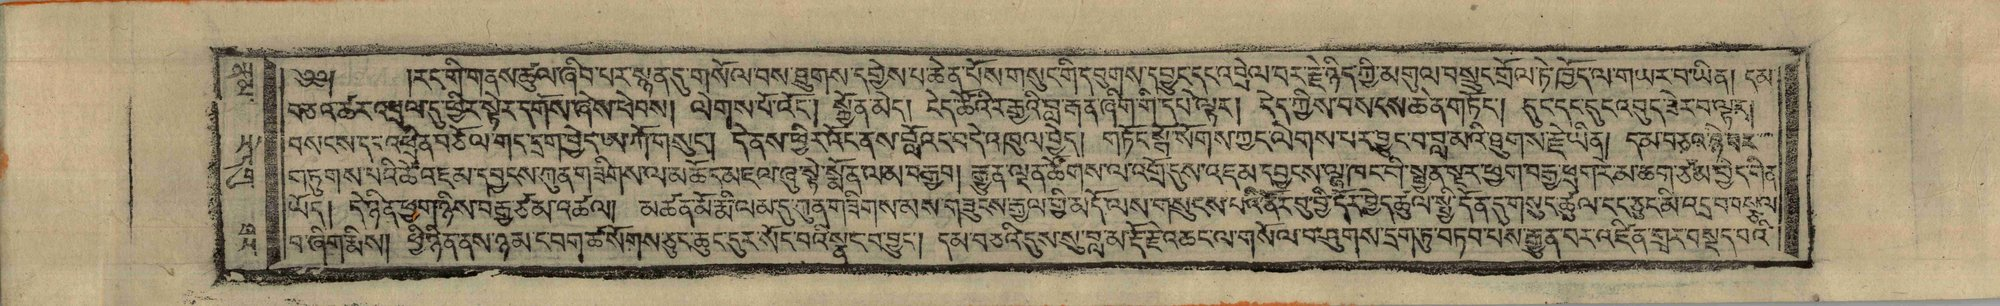༄༅། །རང་གི་གནས་ཚུལ་ཞིབ་པར་སྙན་དུ་གསོལ་བས་ཐུགས་དགྱེས་པ་ཆེན་པོས་གསུང་གི་དབུགས་དབྱུང་དང་འབྲེལ་བར་རྗེ་ཉིད་ཀྱི་མགུལ་བསྲུང་གྲོལ་ཏེ་ཁྱོད་ལ་གཡར་བ་ཡིན། དམ་
བཅའ་ཚར་འཕྲལ་དུ་ཕྱིར་སྟེར་དགོས་ཞེས་ཕེབས། ལེགས་པོ་འོང་། སྐྱོད་མེད། ངེད་ཚོའི་ར་རྒྱའི་བླ་རྒན་ཞིག་གི་དཔེ་ལྟར། ངེད་ཀྱིས་བསངས་ཆེན་གཏོང་། དུང་དང་དུང་འབུད་ཟེར་བ་ལྟར།
བསངས་དང་འཕྲིན་བཅོལ་གང་དྲག་བྱེད་ཨ་ཀོ་གསུང་། དེ་ནས་ཕྱིར་འོང་ནས་བློའང་བདེ་འཁུལ་བྱེད། གཏོང་སྒོ་སོགས་ཀྱང་ལེགས་པར་བྱུང་བ་བླ་མའི་ཐུགས་རྗེ་ཡིན། དམ་བཅའ་ཉེ་བར་
གཏུགས་པའི་ཚེ་འཇམ་དབྱངས་ཀུན་གཟིགས་ལ་མཆོད་མཇལ་ཞུ་སྟེ་སྨོན་ལམ་བརྒྱབ། རྒྱུན་ལྡན་ཚོགས་ལ་འགྲོ་དུས་འཇམ་དབྱངས་ལྷ་ཁང་གི་སྤྱན་སྔར་ཕྱག་བརྒྱ་ཕྲག་རེ་མ་ཆག་ཙམ་བྱེད་གིན་ཡོད།
དེ་ཉིན་ཕྱག་ཉིས་བརྒྱ་ཙམ་འཚལ། མཚན་མོ་རྨི་ལམ་དུ་ཀུན་གཟིགས་མས་གཟུངས་རྒྱལ་གྱི་མདོ་ལས་གསུངས་པའི་ནོར་བུ་བྱི་དོར་བྱེད་ཚུལ་སྤྱི་དོན་དུ་གསུང་ཚུལ་ངང་ཅུང་མི་འདྲ་བ་བསྩལ་
བ་ཞིག་རྨིས། ཕྱི་ཉིན་ནས་ཉམ་ང་བག་ཚ་སོགས་ཅུང་ཆུང་ངུར་སོང་བའི་སྣང་བ་བྱུང་། དམ་བཅའི་དུས་སུ་བླ་མ་རྡོ་རྗེ་འཆང་ལ་གསོལ་བ་ཤུགས་དྲག་ཏུ་བཏབ་པས་རྒྱུན་བར་འཛིན་གྲྭར་བསྡད་པའི་